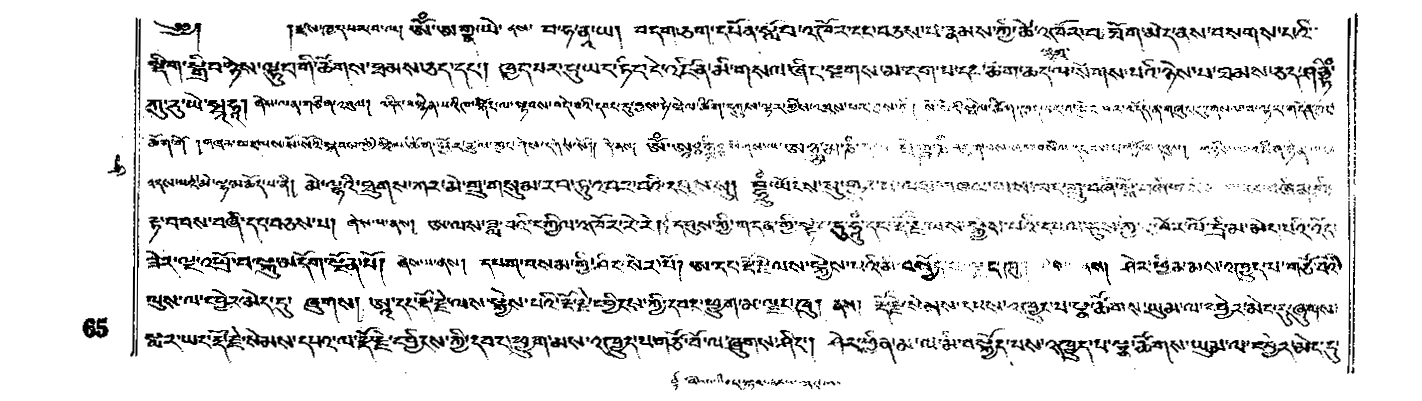༄༅། ། རྫས་ཁྱད་པར་བ་ལ།  ཨོཾ་ཨགན་ཡེ་ནས་བ་ཧ་ནཱ་ཡ། བདག་ཅག་དཔོན་སློབ་འཁོར་དང་བཅས་པ་རྣམས་ཀྱི་ཚེ་འཁོར་བ་ཐོག་མེད་ནས་བསགས་པའི་
སྡིག་སྒྲིབ་ཉེས་ལྟུང་གི་ཚོགས་ཐམས་ཅད་དང་། ཁྱད་པར་དུ་ཡང་ཏིང་ངེ་འཛིན་མི་གསལ་ཞིང་སྔགས་མ་དག་པ་དང་ཆོ་ག་ཆད་ལྷག་ལ་སོགས་པའི་ཉེས་པ་ཐམས་ཅད་ཤནྟིཾ་
ཀུ་རུ་ཡེ་སྭཱཧཱ། ཞེས་ལན་གཅིག་འབུལ། འདིར་བསྙེན་པའི་ཁ་སྐོད་ལ་སྟབས་བདེ་བའི་དབང་དུ་བྱས་ཏེ་སྤེལ་ཚིག་དཀྱུས་ལྟར་གྱིས་འྐྲུས་པར་བྱས་ཀྱི། སོ་སོའི་སྤེལ་ཚིག་ཁྱད་པར་བ་སྐྱོད་བར་འདོད་ན་གཞུང་དུ་གསལ་བ་ལྟར་གདོན་ཀྱང་།
ཆོག་གོ །གཞན་ཡང་ལས་སོ་སོའི་སྐབས་ཀྱི་སྤེལ་ཚིག་སྦྱོར་ཚུལ་ཀྱང་ཤེས་དགོས་སོ།། དེ་ནས། ཨོཾ་ཨཱཿ ཧྲཱིཿ སོགས་ལ་ཨཉྩ་མ་ཎཾ་དང་།  པྲོཀྵ་ཎཾ་བཅུག་པས་ཞལ་བསིལ་དང་བསང་གཏོར་དབུལ། གཉིས་པ་འཇིག་རྟེན་ལས་
འདས་པའི་མི་ལྷ་མཆོད་པ་ནི། མེ་ལྷའི་ཐུགས་ཀར་མེ་གྲུ་གསུམ་རབ་ཏུ་འབར་བའི་དབུས་སུ། བྷྲུཾ་ཡོངས་སུ་གྱུར་པ་ལས་གཞལ་ཡས་ཁང་གྲུ་བཞི་སྒོ་བཞི་གསེར་གྱེ་རབ་བཞིན་གྱི་
རྟ་བབས་བཞི་དང་བཅས་པ། ཞེས་པ་ནས།  ཨ་ལས་ཟླ་བའི་དཀྱིལ་འཁོར་རེ་རེ། ཞེས་པའི་བར་སྒྲུབ་ཐབས་ལྡར་ལ་དབུས་ཀྱི་གདན་གྱི་སྟེང་དུ་ཧཱུཾ་དང་རྡོ་རྗེ་ལས་སྐྱེས་པའི་དཔལ་དུས་ཀྱི་འཁོར་ལོ་དྲི་མ་མེད་པའི་འོད་
ཟེར་ལྔ་འཕྲོ་བ་སྐུ་མདོག་སྔོན་པོ། ཞེས་པ་ནས།  དཔག་བསམ་གྱི་ཤིང་སེར་པོ། ཨ་དང་རྡོ་རྗེ་ལས་སྐྱེས་པའི་མི་བསྐྱོད་པ་ལྗང་ཁུ། ཞེག་པ་ནས།  ཤེར་ཕྱིན་མས་འཁྱུད་པ་གཙོ་བོའི་
ལུས་ལ་དབྱེར་མེད་དུ་ཞུགས། ཨཱ་དང་རྡོ་རྗེ་ལས་སྐྱེས་པའི་རྡོ་རྗེ་དབྱིངས་ཀྱི་དབང་ཕྱུག་མ་ལྗང་ཁུ། ནས། རྡོ་རྗེ་སེམས་དཔས་འཁྱུད་པ་སྣ་ཚོགས་ཡུམ་ལ་༧་བྱེར་མེད་དུ་ཞུགས།
སླར་ཡང་རྡོ་རྗེ་སེམས་དཔའ་ལ་རྡོ་རྗེ་དབྱིངས་ཀྱི་དབང་ཕྱུག་མས་འཁྱུད་པ་གཙོ་བོ་ལ་ཞུགས་ཤིང་། ཤེར་ཕྱིན་མ་ལ་མི་བསྐྱོད་པས་འཁྱུད་པ་སྣ་ཚོགས་ཡུམ་ལ་དབྱེར་མེད་དུ་